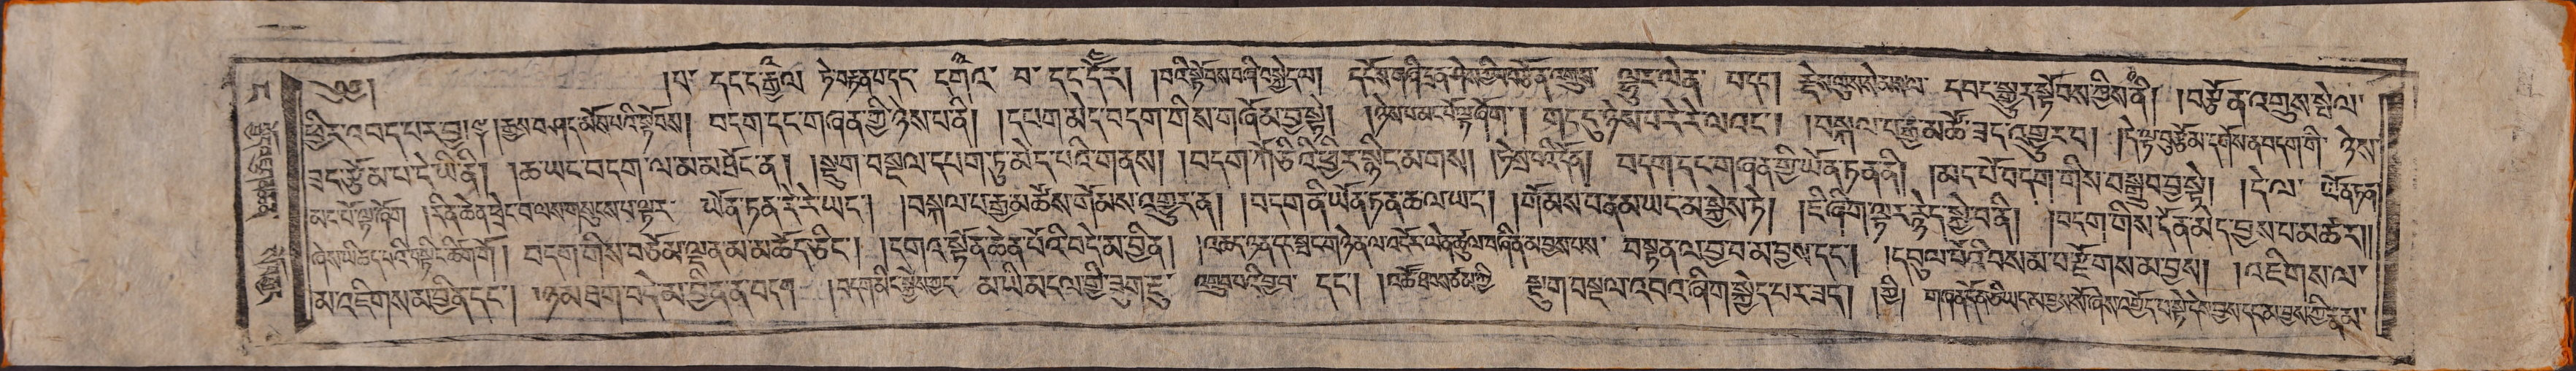༄༅། །པ་དང་ང་རྒྱལ་ཏེ་བརྟན་པ་དང་དགའ་བ་དང་དོར། །པའི་སྟོབས་བཞི་བསྐྱེད་ལ། དངོས་བཞི་དྲན་ཤེས་ཀྱིས་བརྩོན་འགྲུས་ལྷུར་ལེན་པ་དང་། རྗེས་ལུས་སེམས་ལ་དབང་སྒྱུར་སྟོབས་ཀྱིས་ནི། ། བརྩོན་འགྲུས་སྤེལ་
ཕྱིར་འབད་པར་བྱ། འ་།རྒྱས་བཤད་མོས་པའི་སྟོབས། བདག་དང་གཞན་གྱི་ཉེས་པ་ནི། །དཔག་མེད་བདག་གིས་གཞོམ་བྱ་སྟེ། །ཉེས་པ་མང་པོ་ལྟ་ཞོག ། །གང་དུ་ཉེས་པ་རེ་རེ་ལའང་། །བསྐལ་བ་རྒྱ་མཚོ་ཟད་འགྱུར་བ། །དེ་ལྟ་བུ་རྩོམ་དགོས་ན་བདག་གི་ཉེས་
ཟད་རྩོམ་པ་དེ་ཡི་ནི། །ཆ་ཡང་བདག་ལ་མ་མཐོང་ན། །སྡུག་བསྔལ་དཔག་ཏུ་མེད་བའི་གནས། །བདག་ཀོ་ཅི་ཕྱིར་སྙིང་མགས། །ཏེ་སྲ་བའི་དོན། བདག་དང་གཞན་གྱི་ཡོན་ཏན་ནི། །མང་པོ་བདག་གིས་བསྒྲུབ་བྱ་སྟེ། །དེ་ལ་ཡོན་ཏན་
མང་པོ་ལྟ་ཞོག །རིན་ཆེན་ཕྲེང་བ་ལས་གསུངས་པ་ལྟར། ཡོན་ཏན་རེ་རེ་ཡང་། །བསྐལ་པ་རྒྱ་མཚོས་གོམས་འགྱུར་ན། །བདག་ནི་ཡོན་ཏན་ཆ་ལ་ཡང་། །གོམས་པ་ནམ་ཡང་མ་སྐྱེས་ཏེ། །ཇི་ཞིག་ལྟར་རྙེད་སྐྱེ་བ་ནི། །བདག་གིས་དོན་མེད་བྱས་པ་མཚར།།
ཞེས་ཡི་ཆད་པའི་བསྟིང་ཚིག་གོ །བདག་གིས་བཅོམ་ལྡན་མ་མཆོད་ཅིང་། །དགའ་སྟོན་ཆེན་པོའི་བདེ་མ་བྱིན། །འཆད་ཉན་དང་སྤང་གཉེན་ལ་འདོར་ལེན་ཚུལ་བཞིན་མ་བྱས་པས་བསྟན་ལ་བྱ་བ་མ་བྱས་དང་། །དབུལ་པོའི་བསམ་པ་རྫོགས་མ་བྱས། །འཇིགས་ལ་
མ་འཇིགས་མ་བྱིན་དང་། །ཉམ་ཐག་བདེ་མ་བྱིན་ན་བདག་།བདག་མིར་སྐྱེས་ཀྱང་མ་ཡི་མངལ་གྱི་ཟུག་རྔུ་འགྲུབ་པའི་བྱ་བ་དང་། །འཚོ་ཐབས་ཙམ་གྱི་སྡུག་བསྔལ་འབའ་ཞིག་སྐྱེད་པར་ཟད། །གྱི། གཞན་དོན་ཅི་ཡང་མ་བྱས་སོ་ཞེས་འགྱོད་པ་སྟེ་དེས་བྱས་དང་མ་བྱས་ཀྱི་རྣམ་